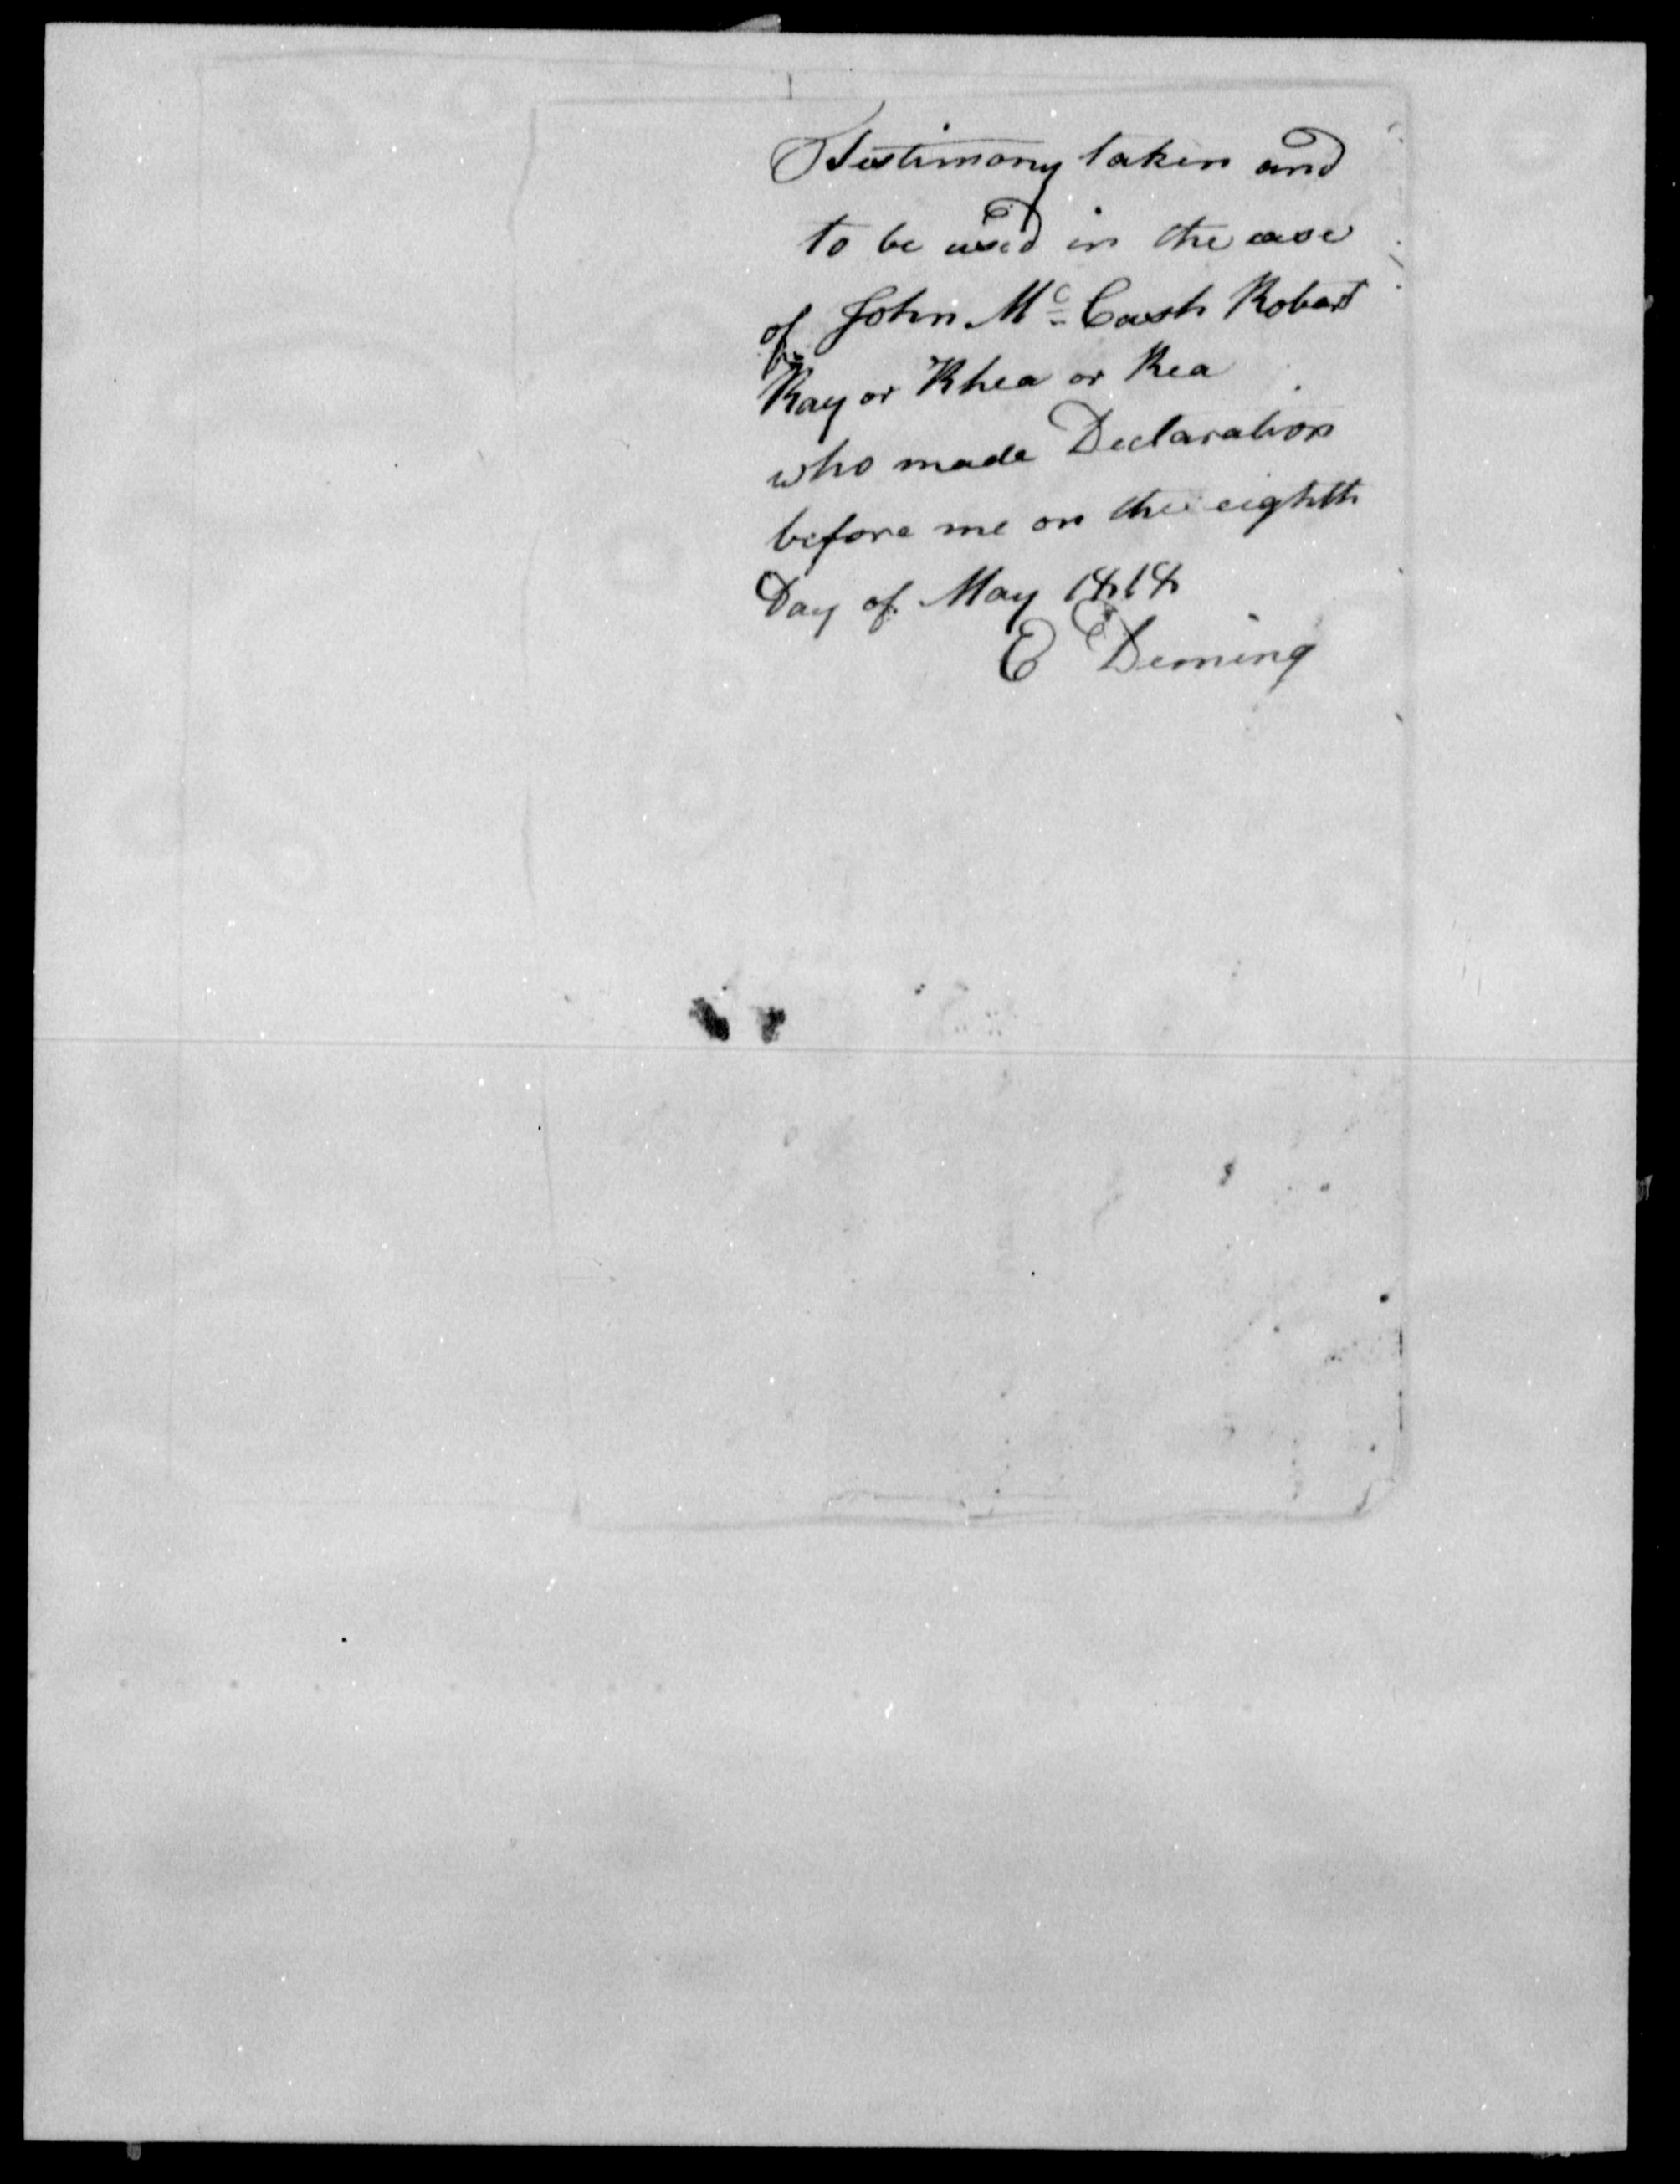Testimony taken and to be used in the case of John McCush, Robert Ray or Rhea or Rea who made Declarations before me on the eighth Day of May 1818 
E Deming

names: Robart Rea; E Deming; Robart Ray; Robart Rhea; John Mc Cush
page: 13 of 20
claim: survivor's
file: S. 40,990, for John Mc Cush Robert Ray, Pennsylvania